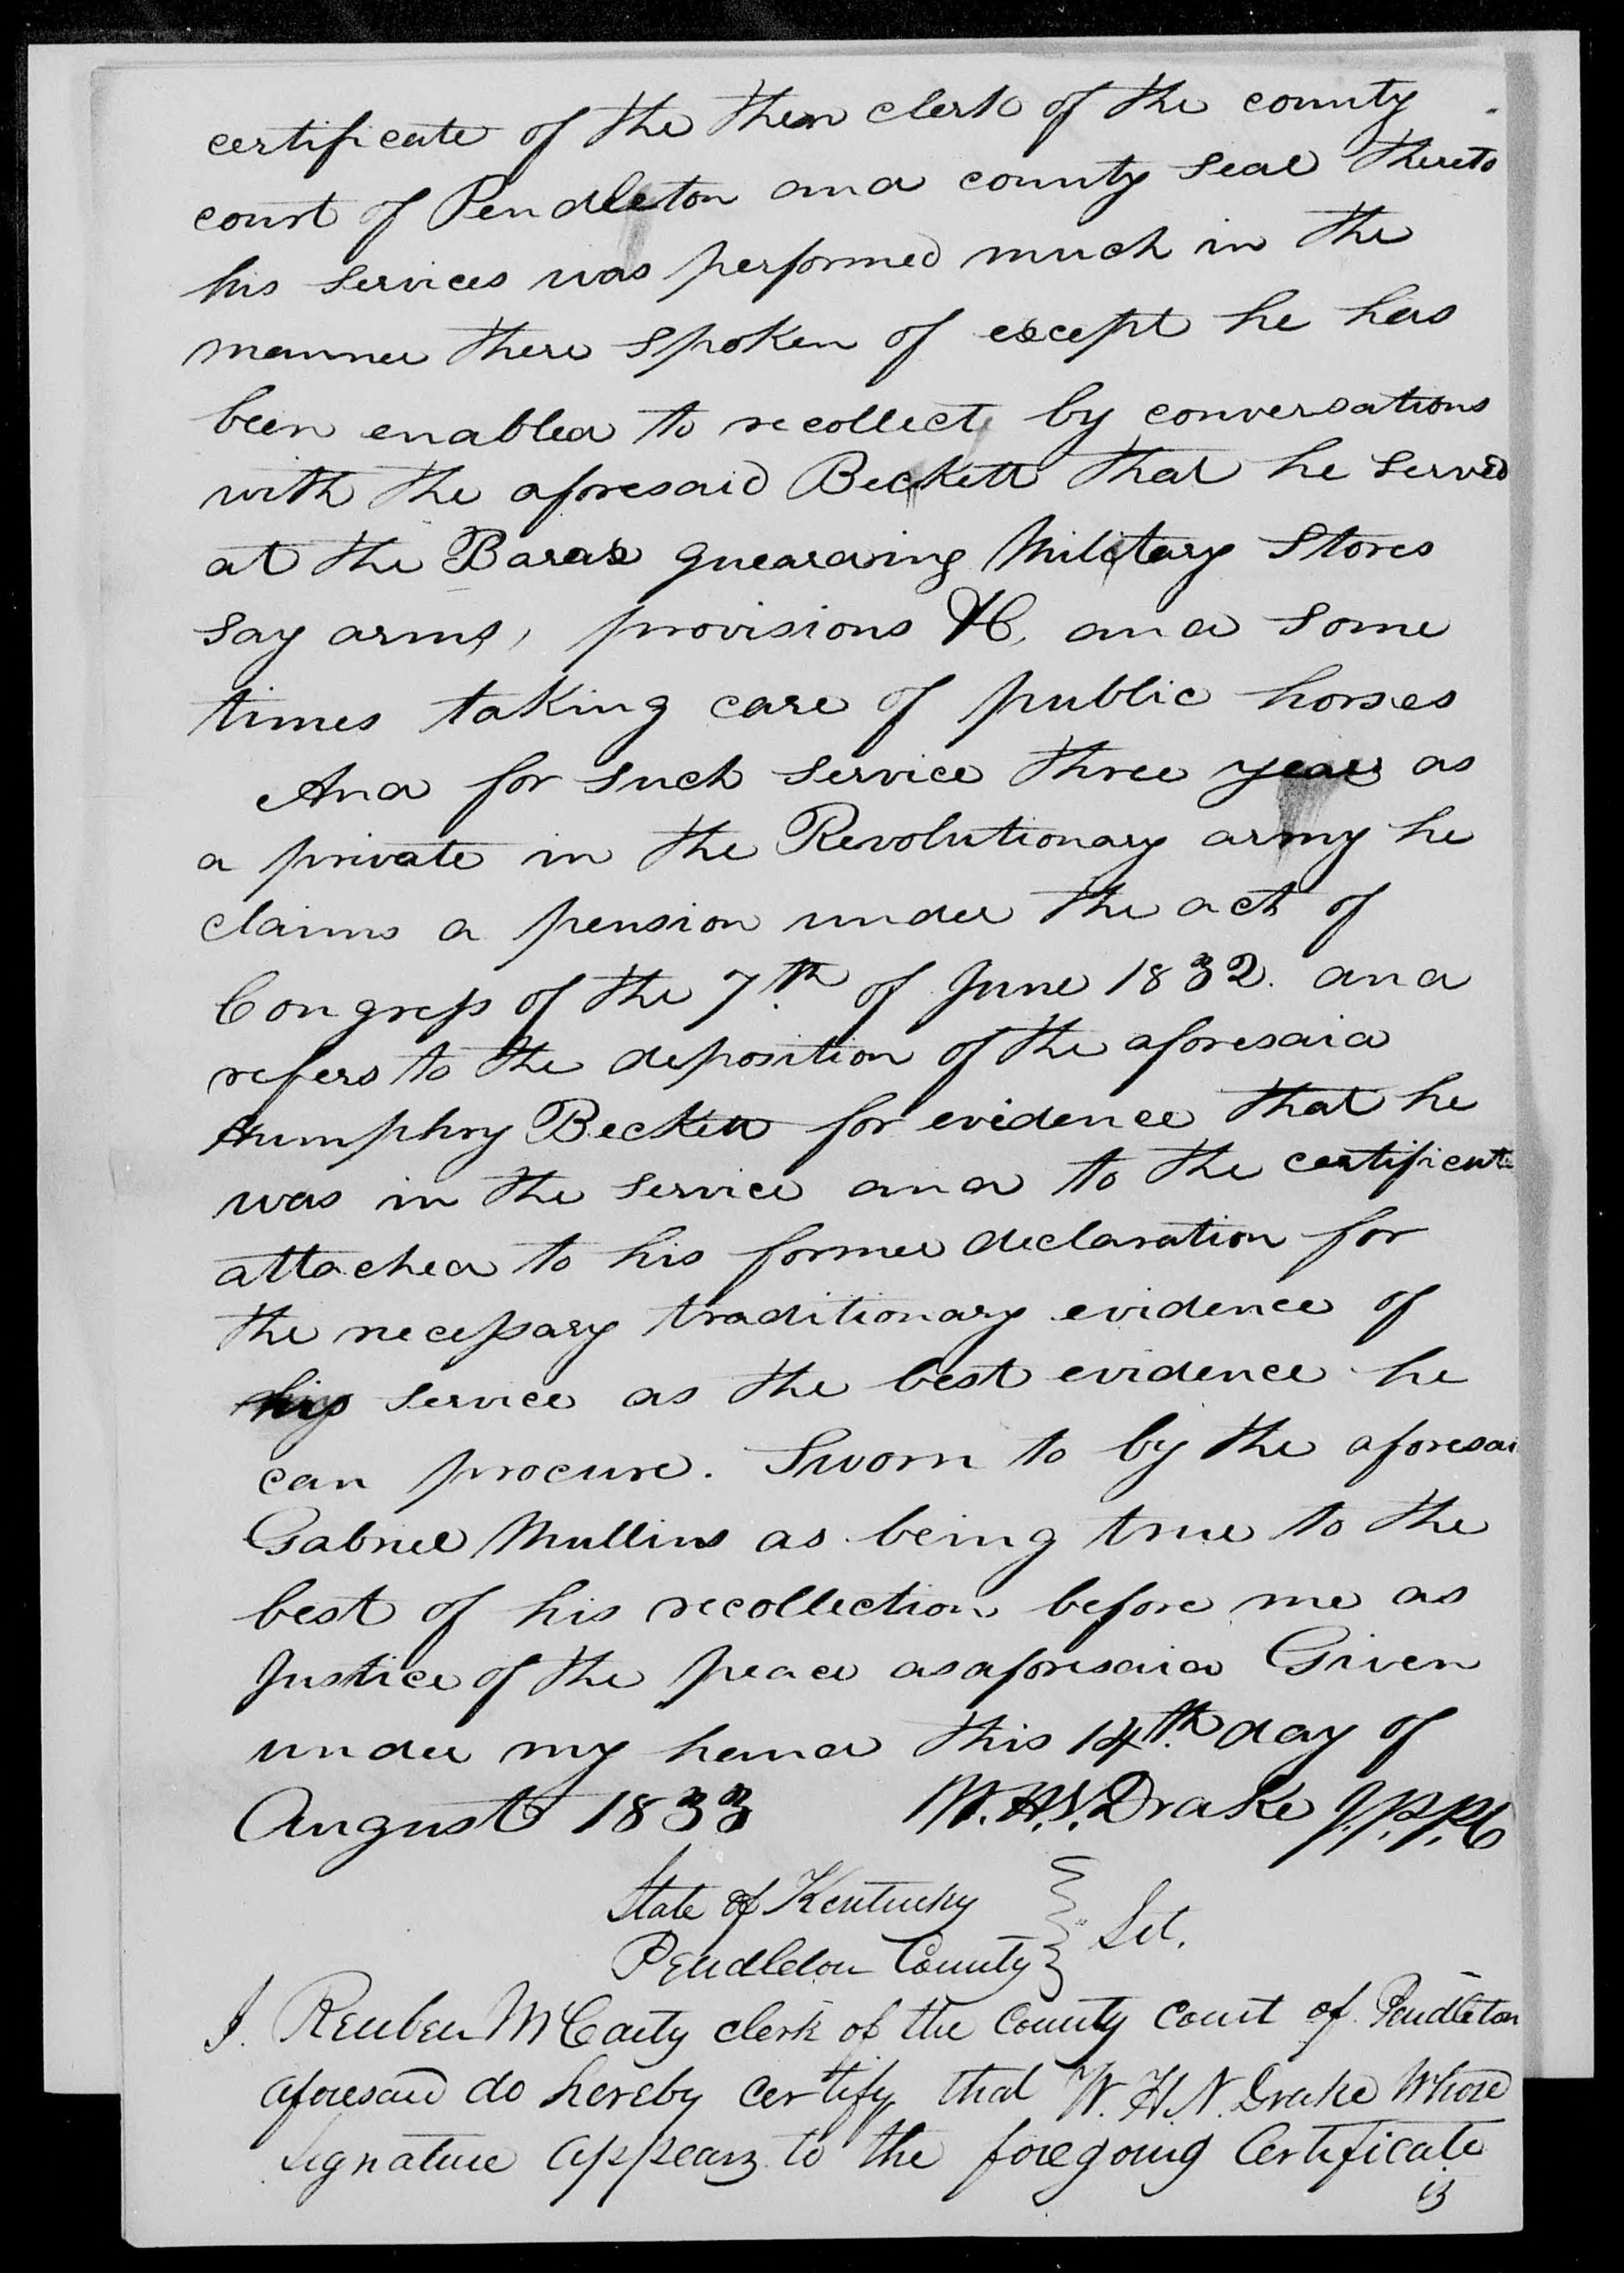certificate of the then clerk of the County
Court of Pendleton and County Seal thereto
his services was performed much in the
manner there spoken of except he has
been enabled to recollect by conversations
with the aforesaid Beckett that he served
at the Baras [barracks?] guarding Military Stores
say arms, provisions &c, and some
times taking care of public horses
And for such service three years as a
private in the Revolutionary army he
claims a pension under the act of
Congress of the 7th of June 1832 and
refers to the deposition of the aforesaid
Humphry Beckett for evidence that he
was in the service and to the certificate
attached to his former declaration for
the necessary traditionary evidence of
his service as the best evidence he
can procure. Sworn to by the aforesaid
Gabriel Mullins as being true to the
best of his recollection before me as
Justice of the peace as aforesaid Given
under my hand this 14th day of
August 1833
W. H. N. Drake J. P. P. C

State of Kentucky }
Pendleton County ⎬ Set
I, Reuben McCarty Clerk of the County Court of Pendleton
aforesaid do hereby certify that W. H. N. Drake whose
Signature appears to the foregoing Certificate
1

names: Reuben Mc Carty; Gabriel Mullins; Humphry Beckett; W H N Drake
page: 20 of 34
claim: survivor's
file: S. 30608, for Gabrel Mullins, Virginia